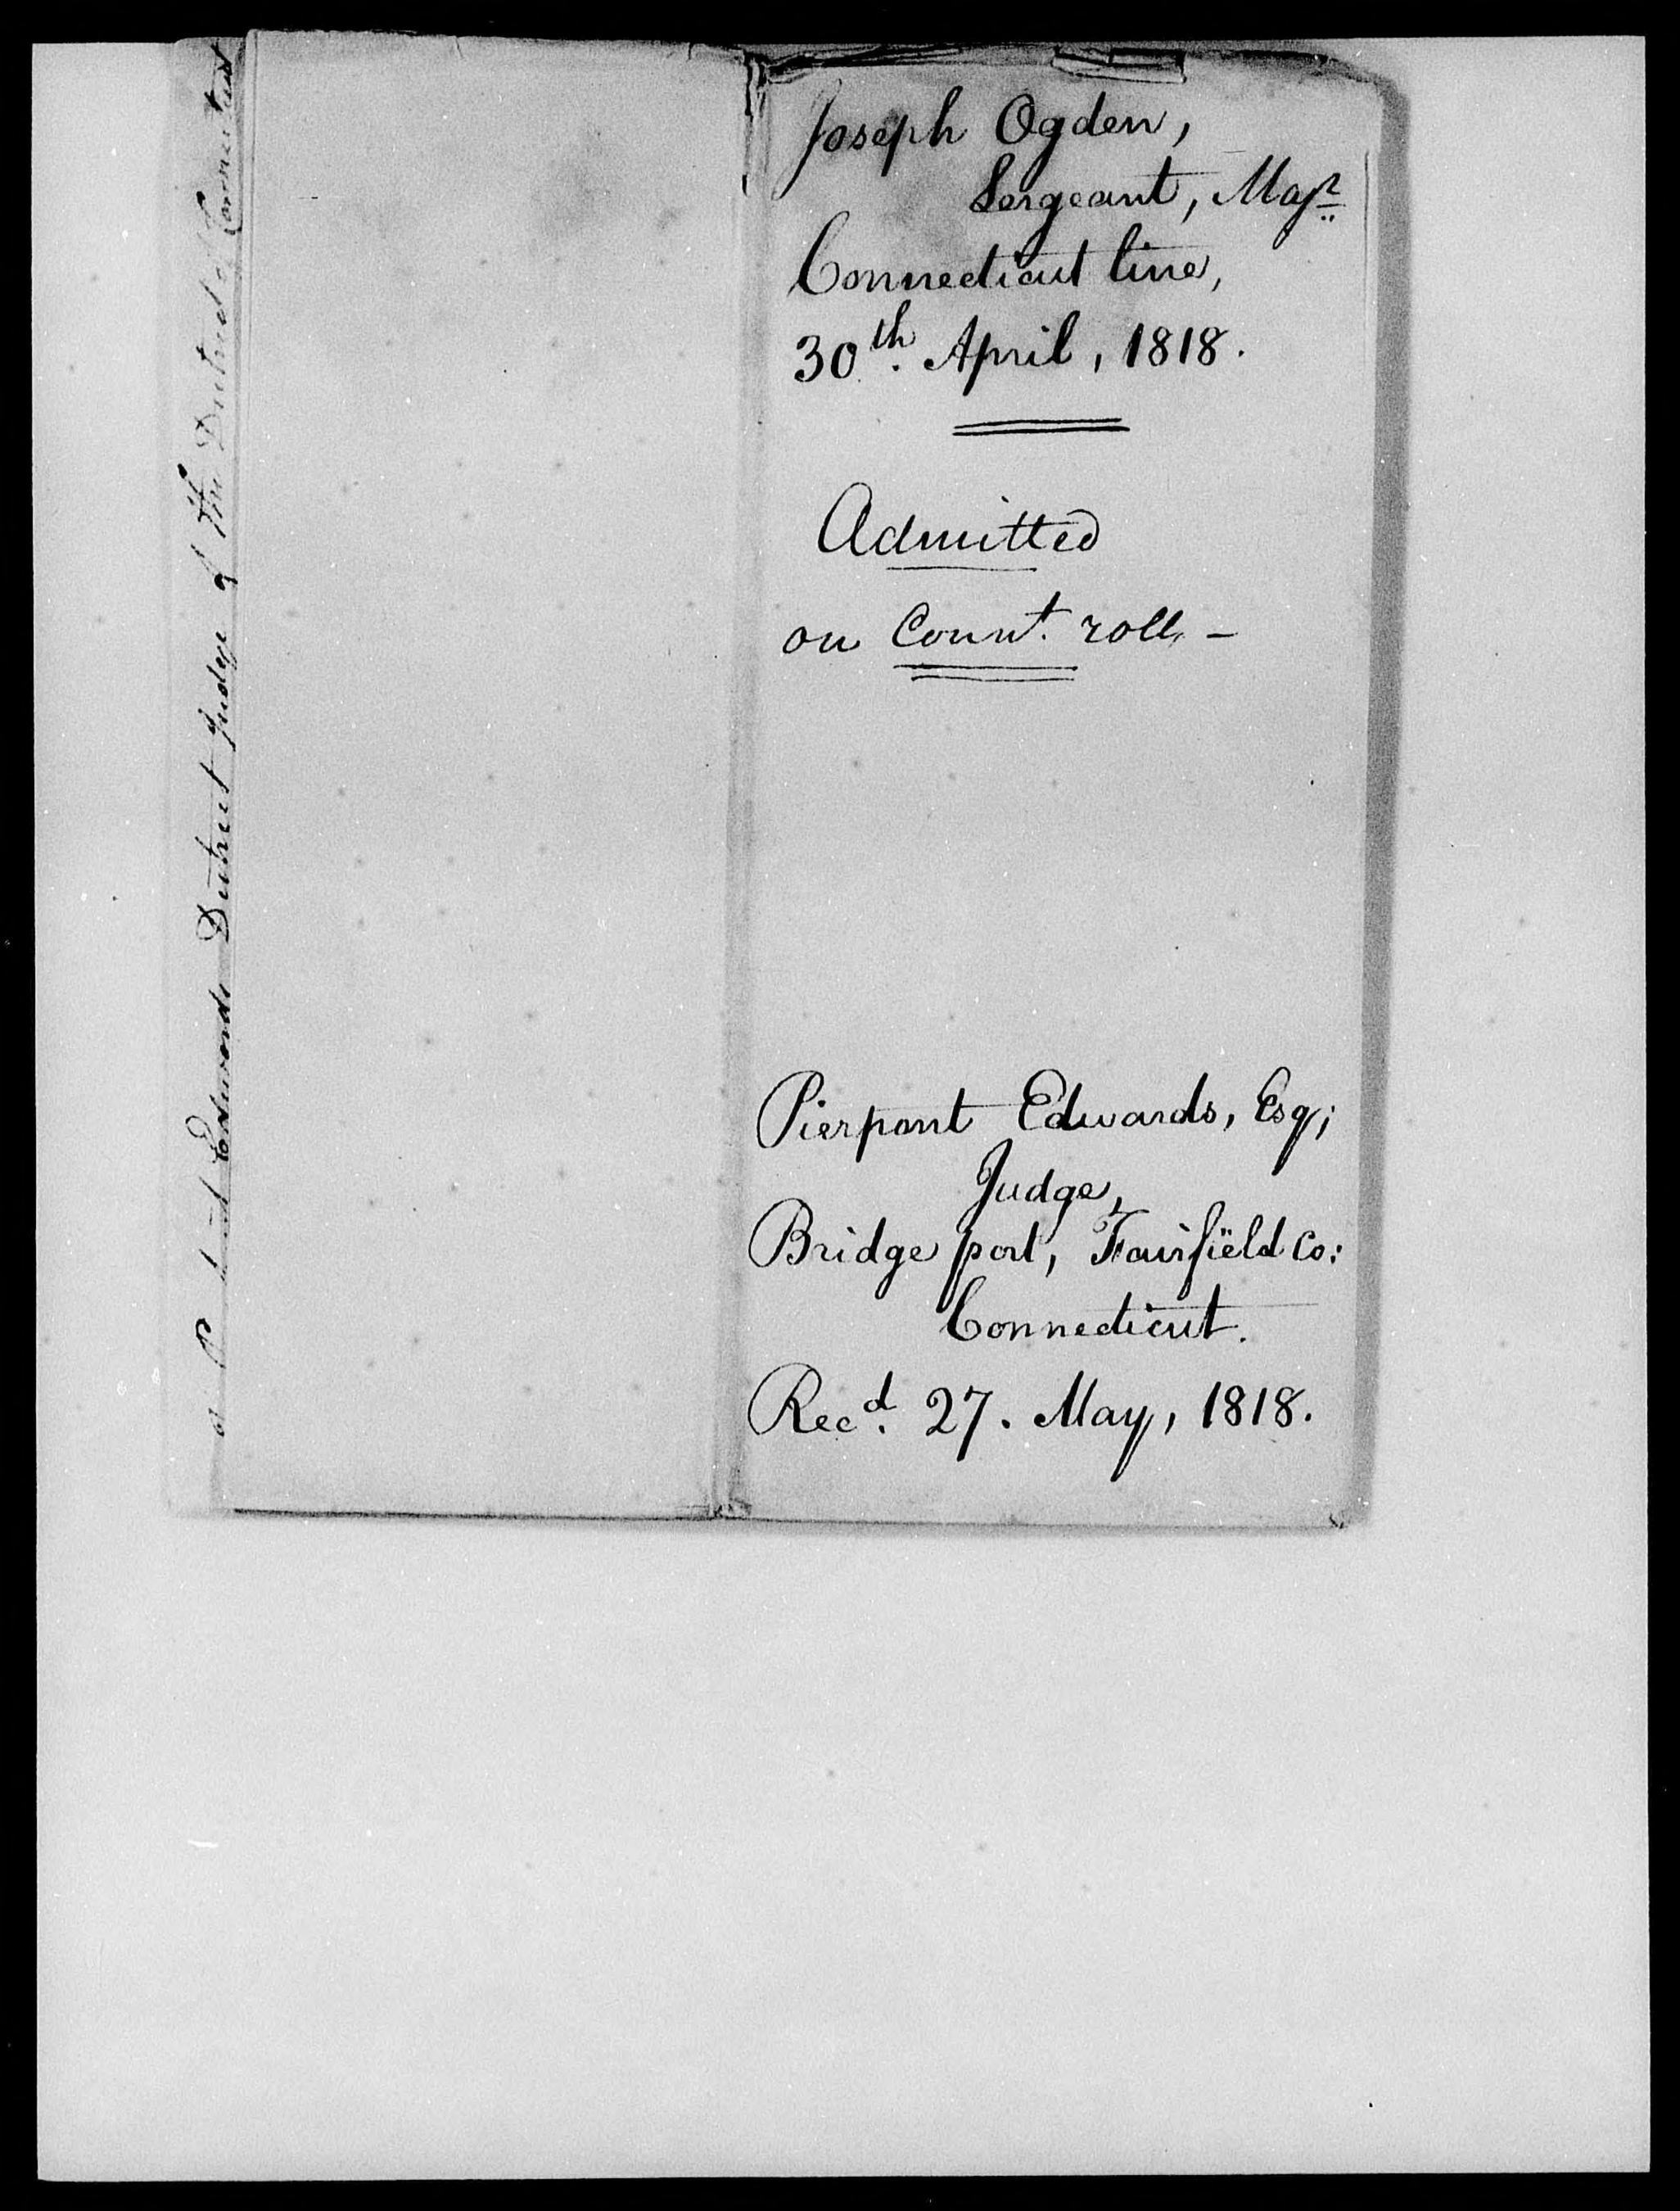Joseph Ogden, 
Sergeant, Majr
Connecticut line, 
30th April, 1818
Admitted
on Connt roll-
Pierpont Edwards, Esq.
Judge
Bridgeport Fairfield Co.
Connecticut
Recd 27. May 1818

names: Joseph Ogden; Pierpont Edwards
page: 13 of 15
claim: survivor's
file: S. 38,277, for Joseph Ogden, Connecticut